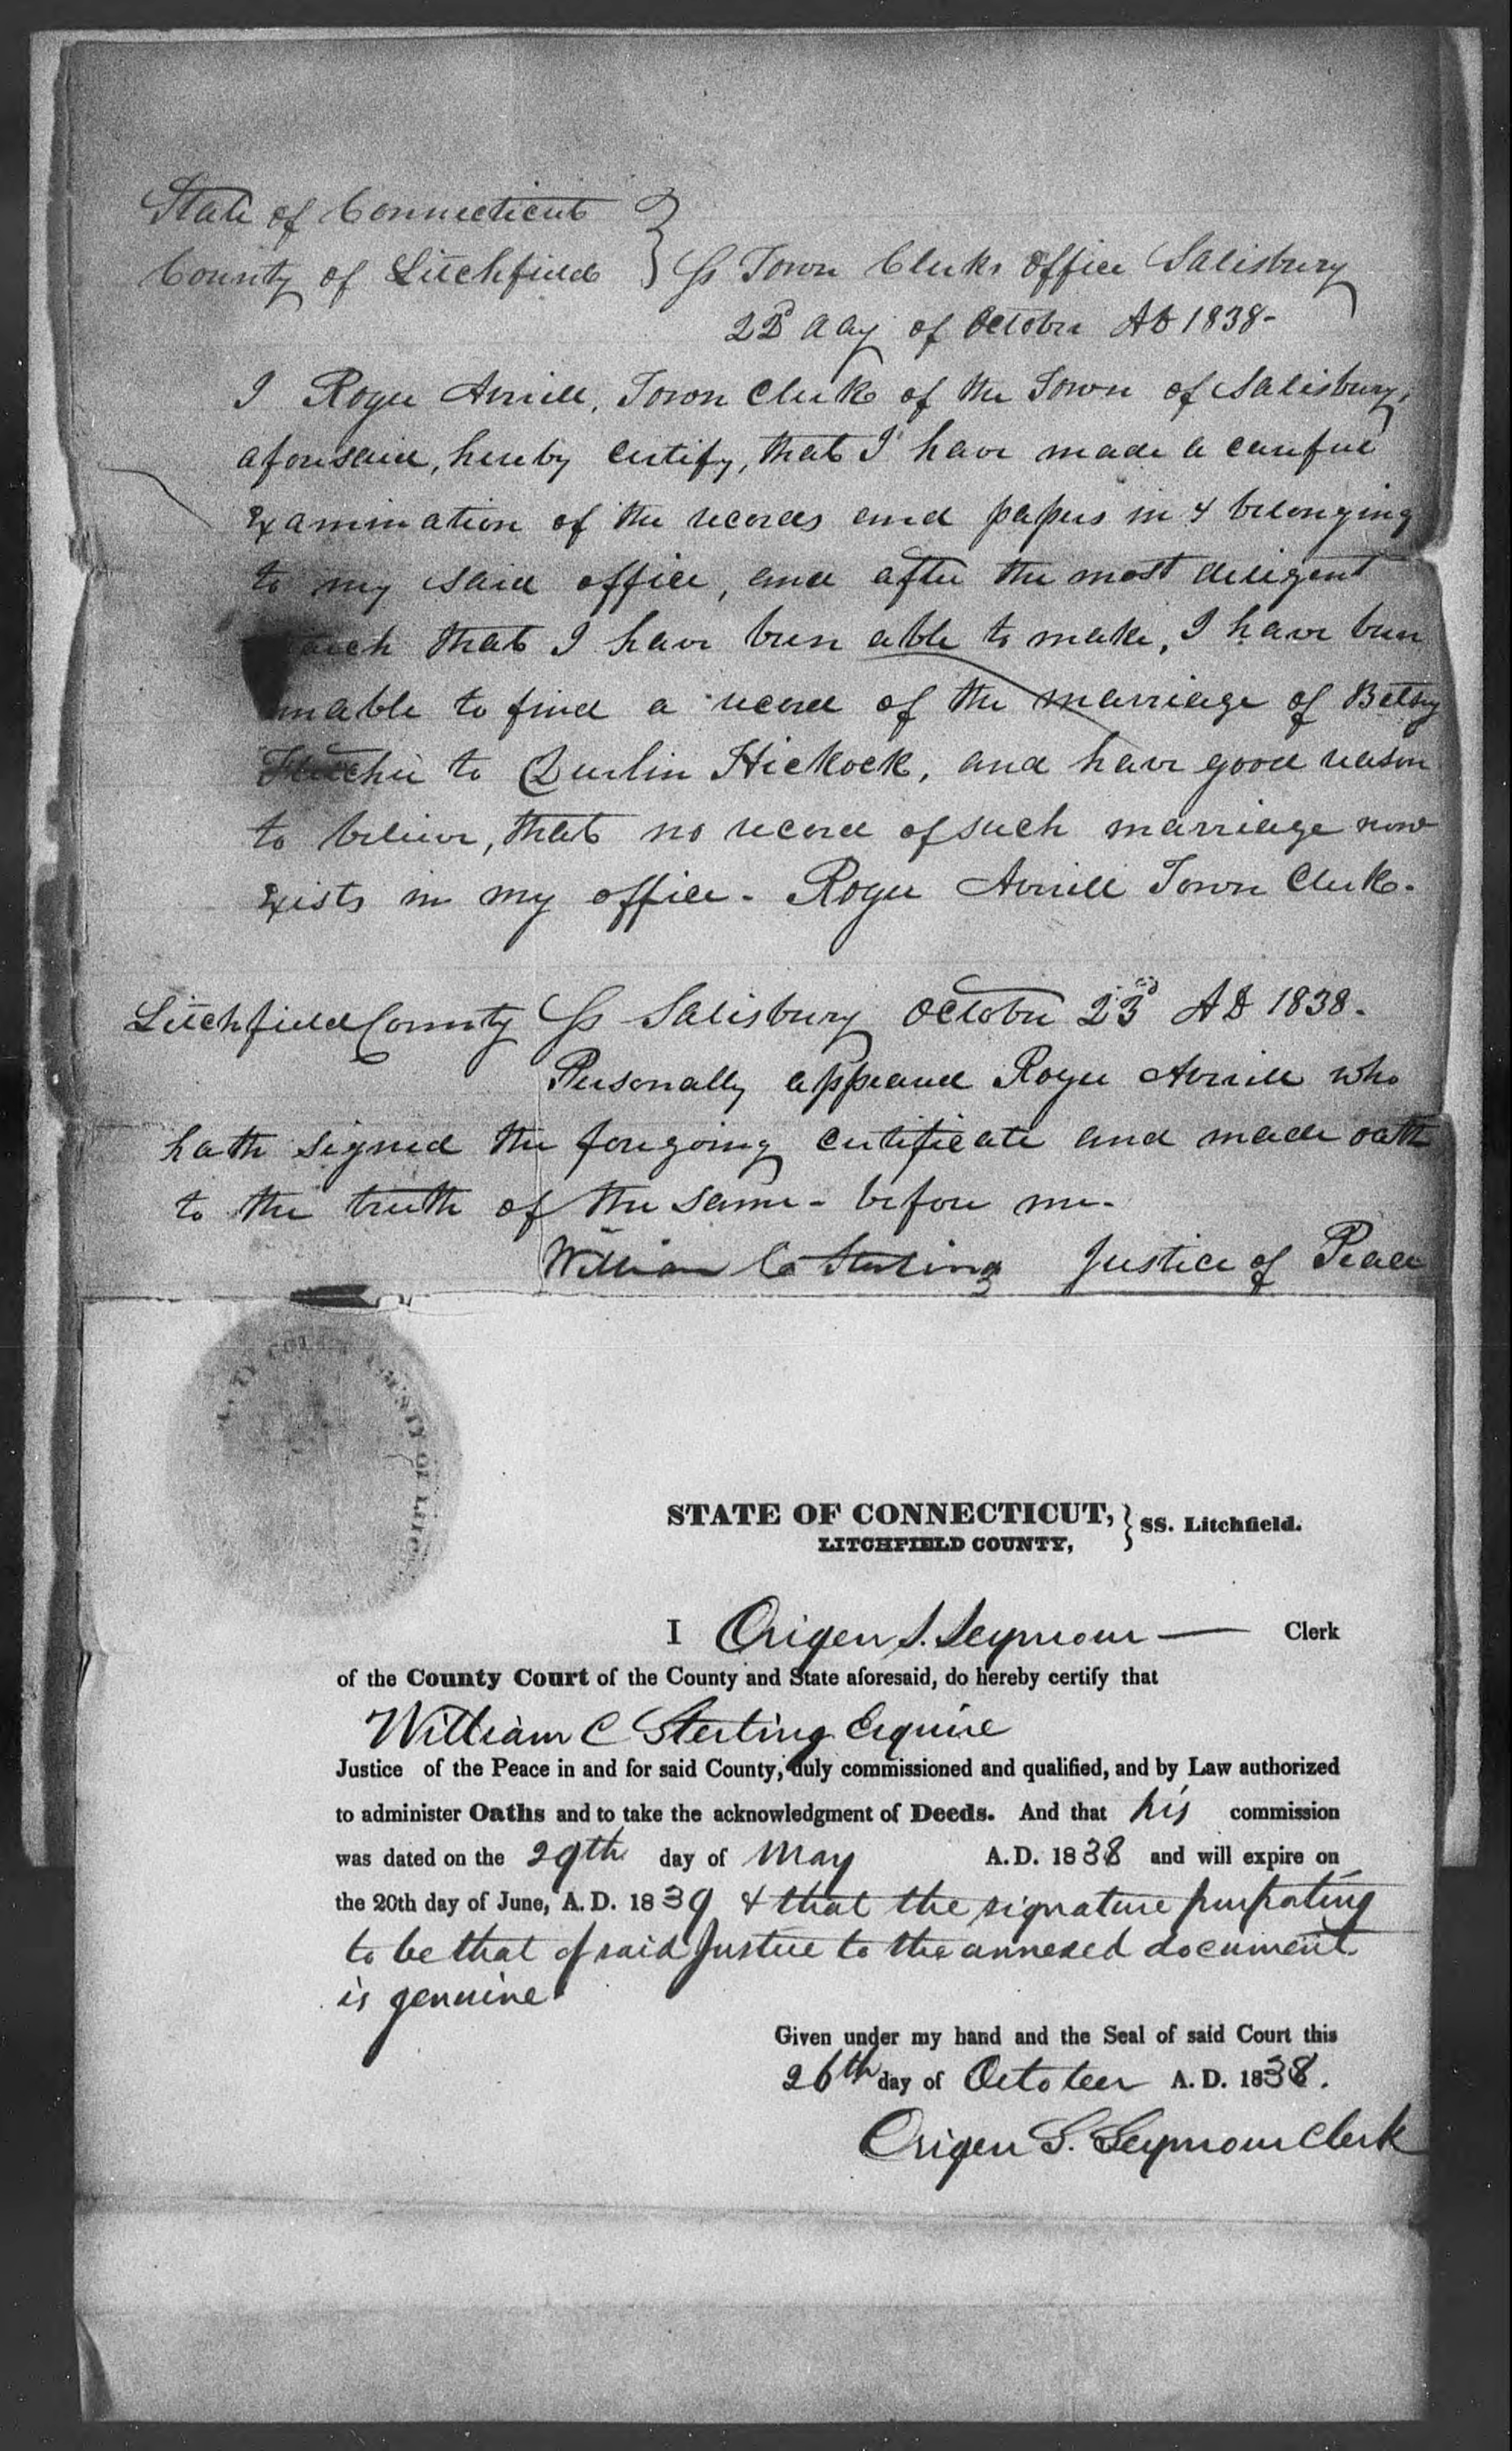State of Connecticut
County of Litchfield
ss Town Clerks Office Salisbury
22 day of October AD 1838-
I Roger Averill, Town Clerk of the Town of Salisbury
aforesaid, hereby certify, that I have made a careful
Examination of the records and papers in + belonging to my said office, and after the most diligent [illegible] that I have been able to make, I have been unable to find a record of the marriage of Betsy Hitchie to Durlin Hickock, and have good reason to believe, that no record of such marriage now exists in my office. Roger Averill Town Clerk.

Litchfield County ss Salisbury October 23 AD 1838.
Personally appeared Roger Averill who hath signed the foregoing certificate and made oath
to the truth of the same before me
William C Sterling Justice of Peace

STATE OF CONNECTICUT, ss. Lichfield.
LITCHFIELD COUNTY,
I Origen S. Seymour Clerk of the County Court of the County and State aforesaid, do hereby certify that
William C Sterling Esquire
Justice of the Peace in and for said County, duly commissioned and qualified, and by law authorized to administer Oaths and to take the acknowledgment of Deeds. And that his commission was dated on the 29th day of May
A. D. 1838 and will expire on the 20th day of June, A.D. 1839 & that the signature purporting
to be that of said Justice to the annexed document is genuine.
Given under my hand and the Seal of said Court this
26th day of October A.D. 1838
Origen S. Seymour Clerk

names: William C Sterling, Origen S Seymour, Betsey Hitchie, Royce Averill, Origen S Seymour, Durlin Hickock, William C Sterling, Royce Averill, Royce Averill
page: 26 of 45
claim: widow's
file: W. 4988, Durlin Hickok, Mass.